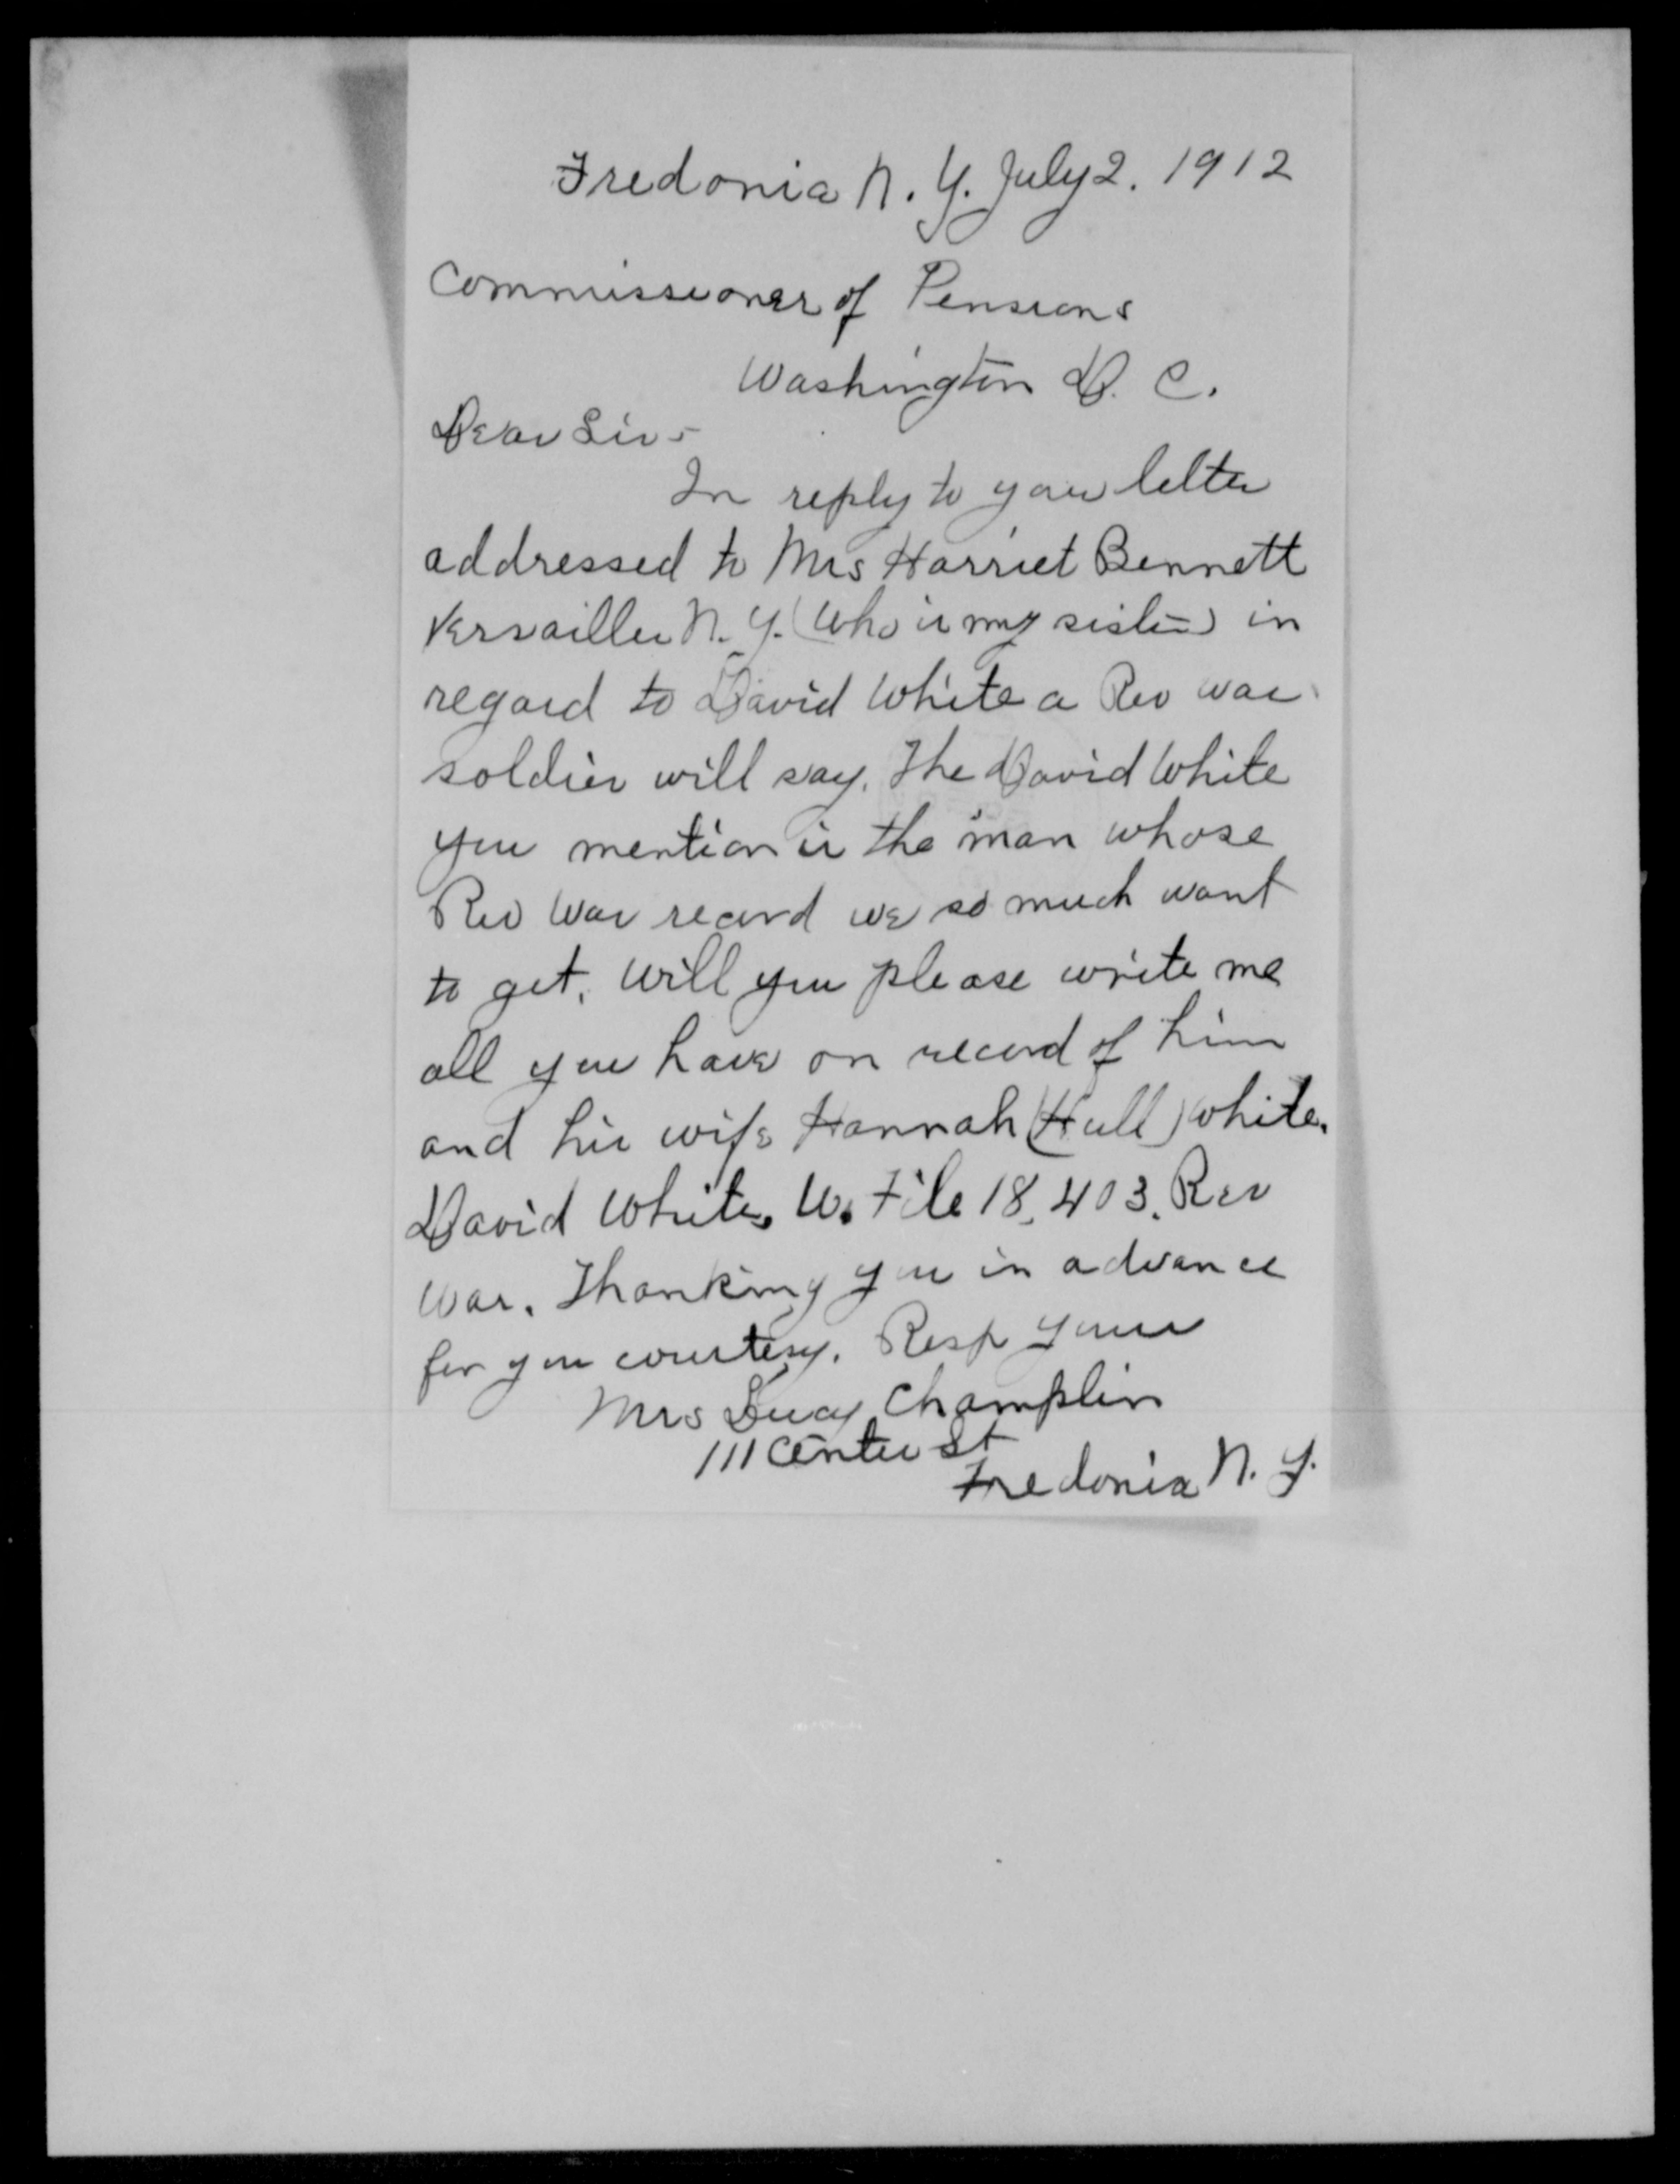Fredonia N.Y. July 2, 1912

Commission of Pensions, Washington D.C.

Dear Sir,

In reply to your letter addressed to Mrs. Harriet Bennett Versailles N.Y. (who is my sister) in regard to David White a Rev War soldier will say. The David White you mention is the man whose Rev War record we so much want to get. Will you please write me all you have on record of him and his wife Hannah (Hull) White. David White W. tile 18.403. Rev War. Thanking you in advance for your courtesy. 

Resp yours

Mrs Lucy Champlin
111 Center St. Fredonia N.Y.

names: Harriet Bennett, Hannah Hull, Lucy Champlin, David White, Hannah White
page: 39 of 63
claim: widow's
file: W. 18403, David White, Conn.